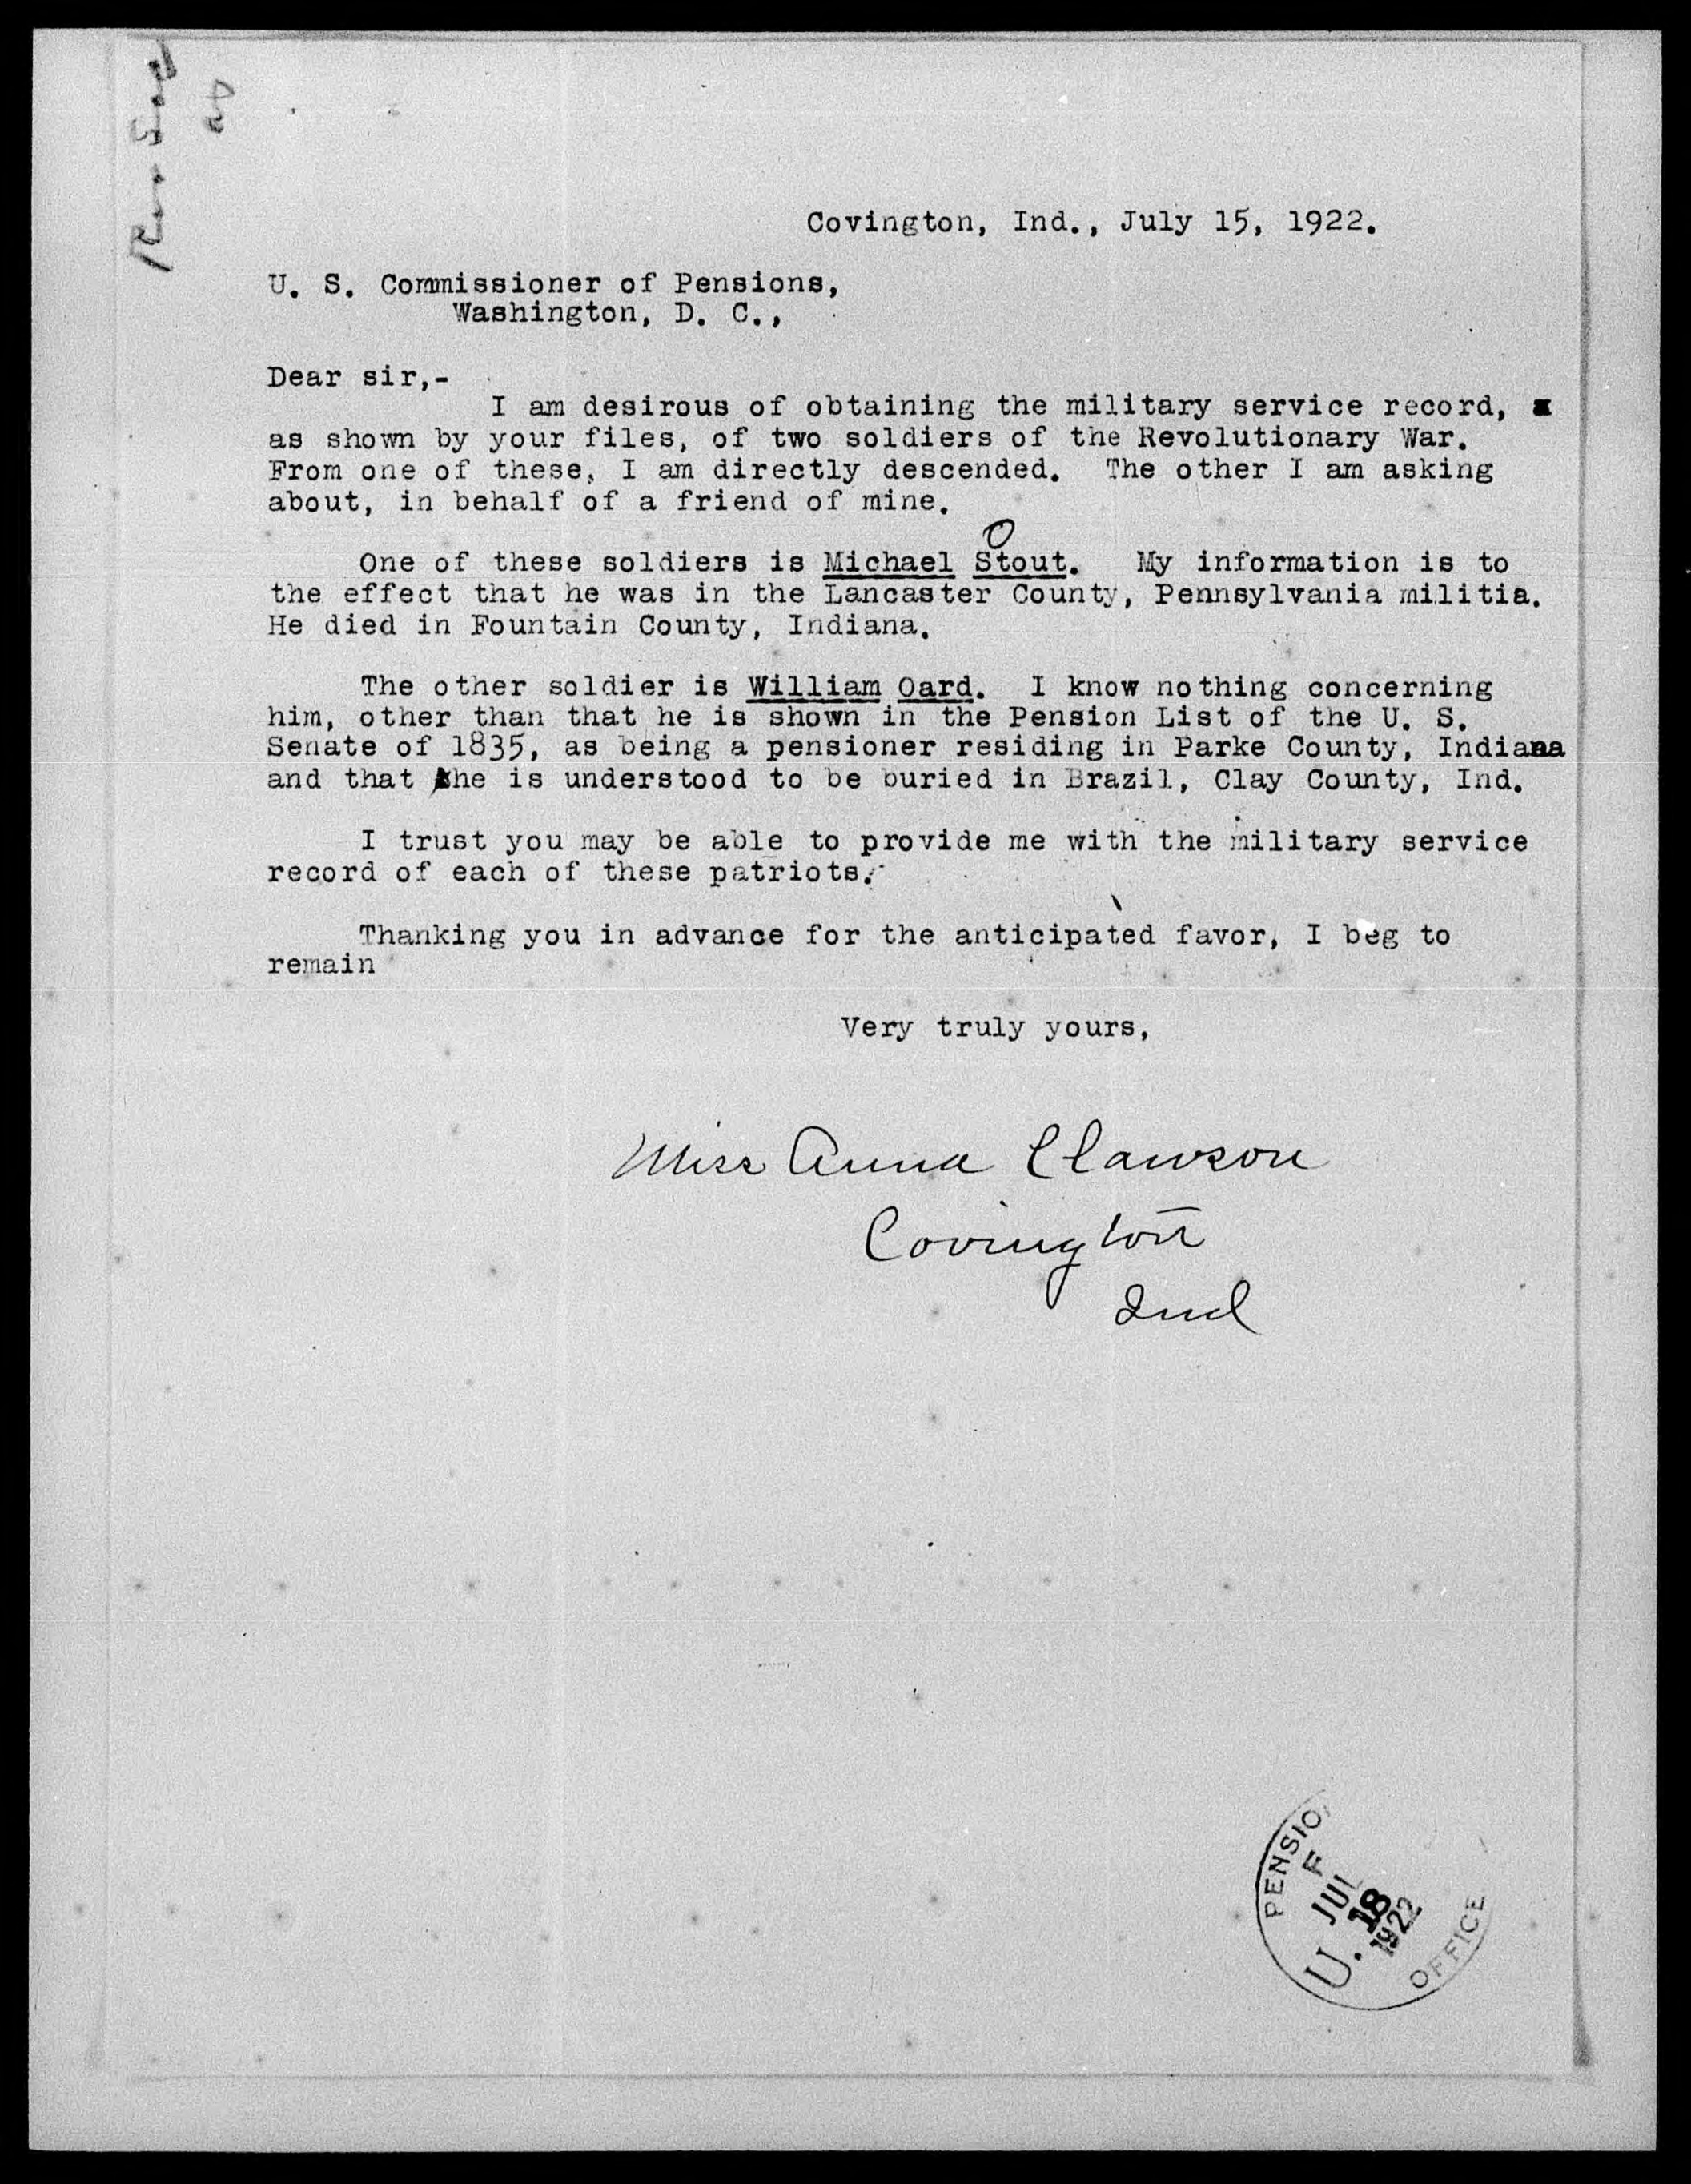Covington, Ind. July 15, 1922

U.S. Commissioner of Pensions
Washington, D.C.

Dear Sir,-

I am desirous of obtaining the military service record as shown by your files, of two soldiers of the revolutionary war. From one of these, I am directly descended. The other I am asking about in behalf of a friend of mine.

One of these soldiers is Michael Stout. My information is to the effect that he was in the Lancaster County, Pennsylvania militia. he died in Fountain County, Indiana.

The other soldier is William Oard. I know nothing concerning him other than that he is shown in the Pension List of the U.S. Senate of 1836, as being a pensioner residing in Parke County, Indiana and that he is understood to be buried in Brazil, Clay County, Ind.

I trust you may be able to provide me with the military service record of each of these patriots.

Thanking you in advance for the anticipated favor, I beg to remain

Very truly yours,

Miss Anna Clawson
Covington Ind.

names: William Oard; Anna Clawson; Michael Stout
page: 16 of 18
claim: survivor's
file: S. 16,496, for William Oard, Maryland